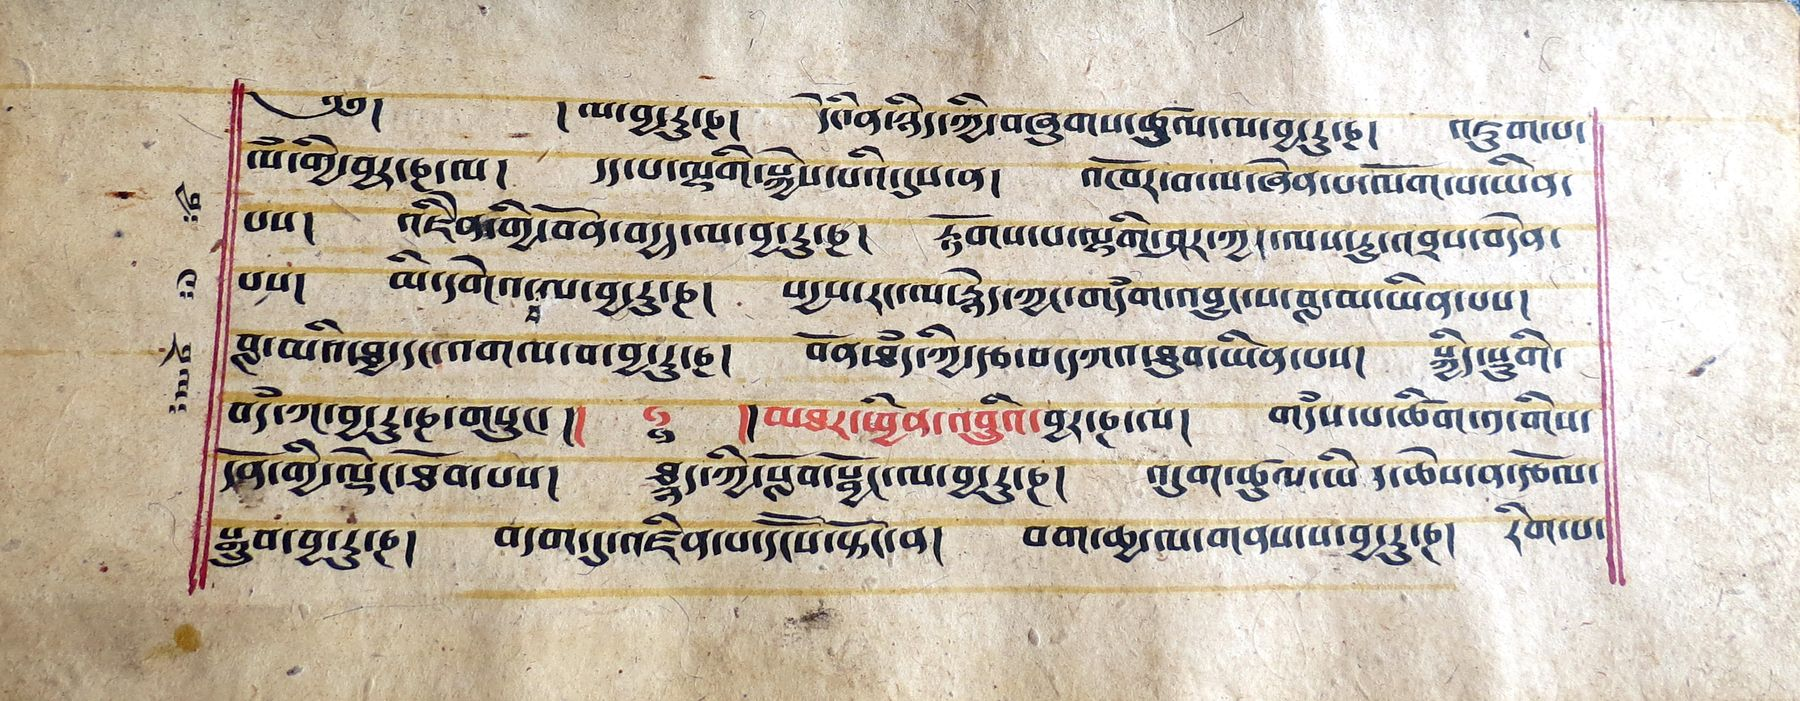ལ་བྱ་རུ་མེད། དེ་བཞིན་ཉིད་ཀྱི་འདུག་ཚུལ་ལ་བྱ་རུ་མེད། འཇུག་པ་
ལམ་གྱི་བྱ་བྲལ་ལ། དད་པ་ལྷག་གིས་སྐྱེས་པའི་དུས་ན། འཁོར་བ་ལ་ཞེན་པ་ལོག་པ་ཡིན་
པས། འཇིག་རྟེན་གྱི་བོན་བརྒྱད་ལ་བྱ་རུ་མེད། རྟོགས་པ་ལྷག་གིས་ཤར་ཀྱང་། ལས་རྒྱུ་འབྲས་བདེན་
པས། མི་དགེ་བཅུ་ལ་བྱ་རུ་མེད། སངས་རྒྱས་རང་ལ་རྙེད་ཀྱང་། གདམས་ངག་འབྱུང་ས་བླ་མ་ཡིན་པས། 
བླ་མའི་ཐུགས་དང་འགལ་བ་བྱ་རུ་མེད། བོན་ཐམས་ཅད་ཀྱི་རྩ་བ་དཀའ་ཐུབ་ཡིན་པས། སྐྱིད་སྡུག་གི་
གདམས་ཁ་ཕྱེ་རུ་མེད་གསུངས་སོ། །མཐར་ཕྱིན་འབྲས་བུའི་བྱར་མེད་ལ། གདམས་པ་ཚིག་གཅིག་གིས་
དོན་གྱི་གདེང་ཐོབ་པས། ཐ་སྙད་ཀྱི་བློ་སྦྱོང་ལ་བྱ་རུ་མེད། འདུག་ཚུལ་ལ་ཡིད་ཆེས་ནས། ས་ལམ་ལ་རྩོལ་
བསྒྲུབ་བྱ་རུ་མེད། བདག་ཏུ་འཛིན་པའི་དངོས་པོ་སྟོང་ན། བག་ཆགས་ལ་གནས་པ་བྱ་རུ་མེད། རིག་པ་